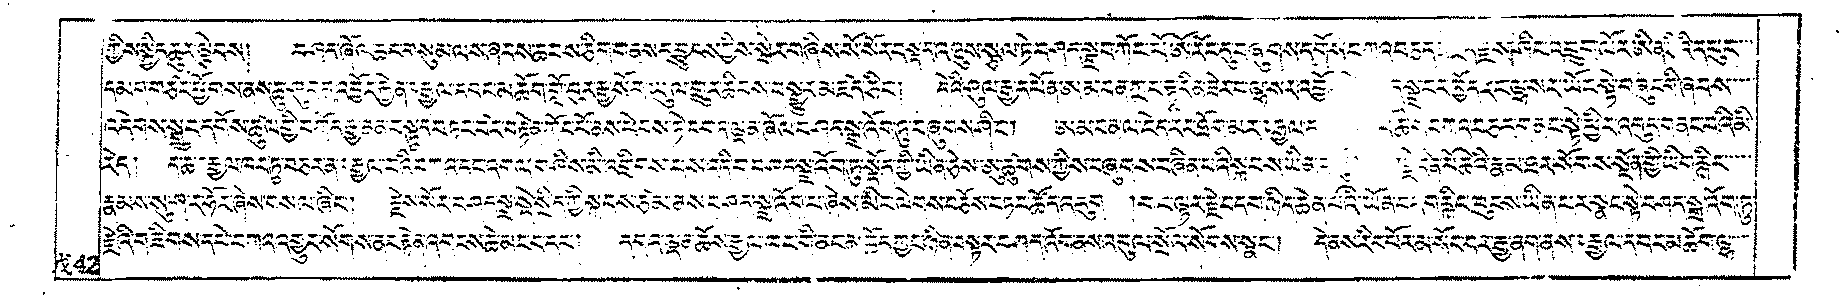ཀྱིས་སྐྱིད་ཆུར་ལྕེབས། བཤད་ཞོལ་ཆང་གསུམ་ལས་ཞབས་ཆབས་ཅིག་གནས་དབྱུངས་ཀྱིས་སྒེར་གཞིས་སོ་སོར་བསྡད་འཐུས་སྩལ་ཏེ་བཤད་སྒྲ་བ་ཀོང་པོ་ཨོ་རོང་དུ་བཞུགས་དགོས་བཀའ་བཅད་མཛད་རྗེས་ཤིང་འབྲུག་ལོར་ཨིན་ཅིའི་དཔུང་
དམག་གཙང་ཕྱོགས་ནས་ཆུ་ཤུར་དུ་འབྱོར་རྐྱེན་༧རྒྱལ་དབང་མཆོག་གློ་བུར་རྒྱ་སོག་ཡུལ་གྲུར་ཆིབས་བསྒྱུར་མཛད་ཅིང་། དེའི་ཤུལ་རྒྱ་དཔོན་ཨམ་བན་ཀྲང་རྟཱ་རིན་ཟེར་བ་ལྷ་སར་འབྱོར་དེ། ?་དེ་སྒྲ་བར་ཁྱོད་རང་ལྷ་སར་ཡོང་སྟེ་གཞུང་གི་ཞབས་
འདེབས་སྒྲུབ་དགོས་ཚུལ་གྱི་བཀོད་རྒྱ་ནན་བསྟུད་བཏང་བར་བརྟེན་ཀོང་པོ་ནས་ཕེབས་ཏེ་དགའ་ལྡན་ཞོལ་བཤད་སྒྲ་འོག་ཏུ་བཞུགས་ཤིང་། ཨམ་བན་ལ་ངེད་རང་ཐོག་མར་༧རྒྱལ་དབང་རིན་པོ་ཆེས་བཀའ་བཅད་གནང་སྟེ་ཕྱིར་འབུད་གནང་བའི་མི་
རེད། ད་ཆ་རྒྱལ་ཁབ་ཏུ་བཅར་ན་༧རྒྱལ་བའི་བཀའ་དང་འགལ་གཤིས་མི་འགྲིགས་པས་འདི་ག་བཤད་སྒྲ་འོག་ཏུ་སྡོད་ཀྱི་ཡིན་ཅེས་ཨུ་ཚུགས་ཀྱིས་བཞུགས་བཞིན་པའི་སྐབས་ཡིན་འདུག །རྗེ་རིན་པོ་ཆེའི་རྣམ་ཐར་སོགས་སྔོན་གྱི་ཡིག་རྙིང་
རྣམས་སུ་ཤ་ར་ཧོར་ཞེས་གསལ་ཞིང་། རྗེས་སོར་བཤད་སྒྲ་སྡེ་སྲིད་ཀྱི་སྐབས་ཙམ་ནས་བཤད་སྒྲ་འོག་པ་ཞེས་མིང་ལེགས་བཅོས་བཏང་ཚོད་འདུག །གང་ལྟར་རྗེ་བདག་ཉིད་ཆེན་པོའི་ཡོན་བདག་རྙིང་ཁུངས་ཡིན་པར་སྣང་སྟེ་བཤད་སྒྲ་འོག་ཏུ་
རྗེའི་གཟིགས་དཔེ་བཀའ་འགྱུར་སོགས་ནང་རྟེན་འགངས་ཆེ་མང་བ་དང་། དགའ་ལྡན་ཆོས་རྒྱལ་ཁང་གི་ནང་མཆོད་ཀྱང་ཉིན་བསྟར་འབྴད་འོག་ནས་འབུལ་སྲོལ་སོགས་སྣང་། དེ་ནས་རིང་པོར་མ་སོང་བར་རྒྱ་ནག་ནས་༧རྒྱལ་དབང་མཆོག་ལྷ་